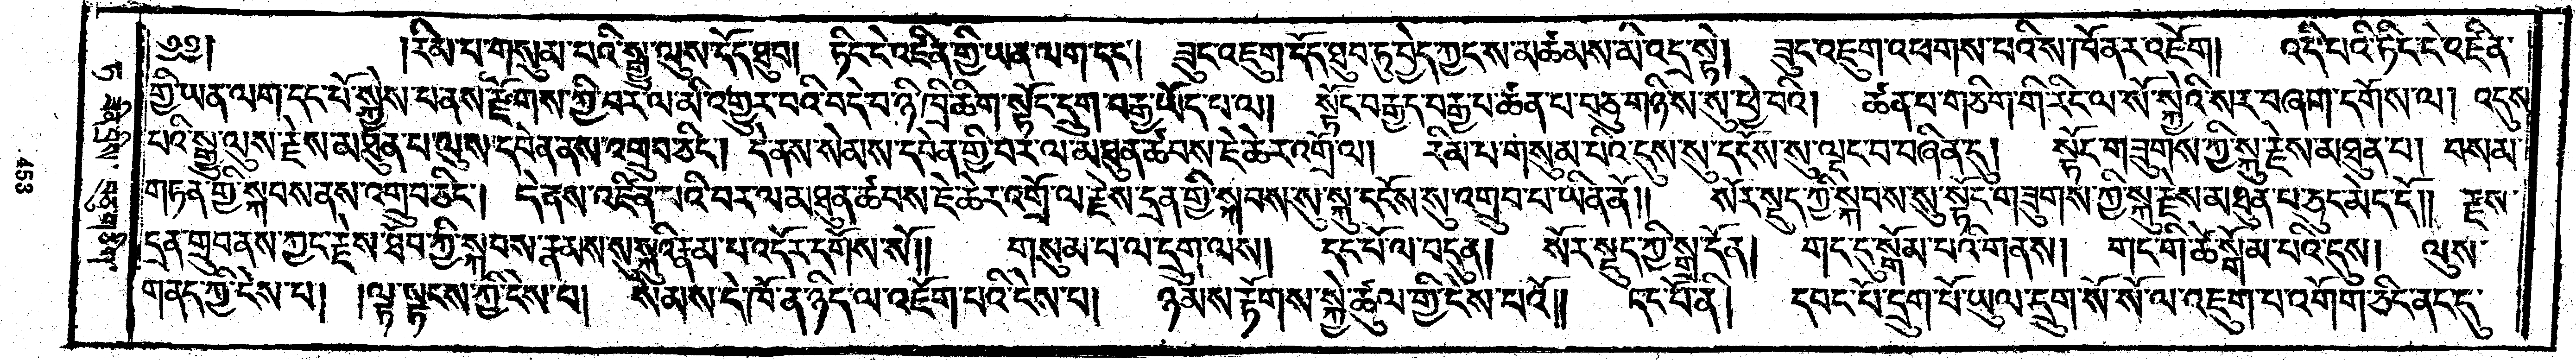༄༅། །རིམ་པ་གསུམ་པའི་སྒྱུ་ལུས་དོད་ཐུབ། ཏིང་ངེ་འཛིན་གྱི་ཡན་ལག་དང་། ཟུང་འཇུག་དོད་ཐུབ་ཏུ་བྱེད་ཀྱང་ས་མཚམས་མི་འདྲ་སྟེ། ཟུང་འཇུག་འཕགས་པའི་ས་ཁོ་ནར་འཇོག། འདི་པའི་ཏིང་ངེ་འཛིན་
གྱི་ཡན་ལག་དང་པོ་སྐྱེས་པ་ནས་རྫོགས་ཀྱི་བར་ལ་མི་འགྱུར་བའི་བདེ་བ་ཉི་ཁྲི་ཆིག་སྟོང་དྲུག་བརྒྱ་ཡོད་པ་ལ། སྟོང་བརྒྱད་བརྒྱ་པ་ཚན་པ་བཅུ་གཉིས་སུ་ཕྱེ་བའི། ཚན་པ་གཅིག་གི་རིང་ལ་སོ་སྐྱེའི་སར་བཞག་དགོས་ལ། འདུས་
པའི་སྒྱུ་ལུས་རྗེས་མཐུན་པ་ལུས་དབེན་ནས་འགྲུབ་ཅིང་། དེ་ནས་སེམས་དབེན་གྱི་བར་ལ་མཐུན་ཚབས་ཇེ་ཆེར་འགྲོ་ལ། རིམ་པ་གསུམ་པའི་དུས་སུ་དངོས་སུ་ལྡང་བ་བཞིན་དུ། སྟོང་གསུམ་ཀྱི་སྐུ་རྗེས་མཐུན་པ། བསམ་
གཏན་གྱི་སྐབས་ནས་འགྲུབ་ཅིང་། དེ་ནས་འཛིན་པའི་བར་ལ་མཐུན་ཚབས་ཇེ་ཆེར་འགྲོ་ལ་རྗེས་དྲན་གྱི་སྐབས་སུ་སྐུ་དངོས་སུ་འགྲུབ་པ་ཡིན་ནོ།། སོར་སྡུད་ཀྱི་སྐབས་སུ་སྟོང་གཟུགས་ཀྱི་སྐུ་རྗེས་མཐུན་པ་ཅུང་མེད་དོ།། རྫས་
དྲན་གྲུབ་ནས་ཀྱང་རྗེས་ཐོབ་ཀྱི་སྐབས་རྣམས་སུ་སྐུའི་རྣམ་པ་འདོར་དགོས་སོ།། གསུམ་པ་ལ་དྲུག་ལས། དང་པོ་ལ་བདུན། སོར་སྡུད་ཀྱི་སྒྲ་དོན། གང་དུ་སྒོམ་པའི་གནས། གང་གི་ཚེ་སྒོམ་པའི་དུས། ལུས་
གནད་ཀྱི་ངེས་པ། །ལྟ་སྟངས་ཀྱི་ངེས་བ། སེམས་དེ་ཁོ་ན་ཉིད་ལ་འཇོག་པའི་ངེས་པ། ཉམས་རྟོགས་སྐྱེ་ཚུལ་གྱི་ངེས་པའོ།། དང་པོ་ནི། དབང་པོ་དྲུག་པོ་ཡུལ་དྲུག་སོ་སོ་ལ་འཇུག་པ་འགོག་ཅིང་ནང་དུ་